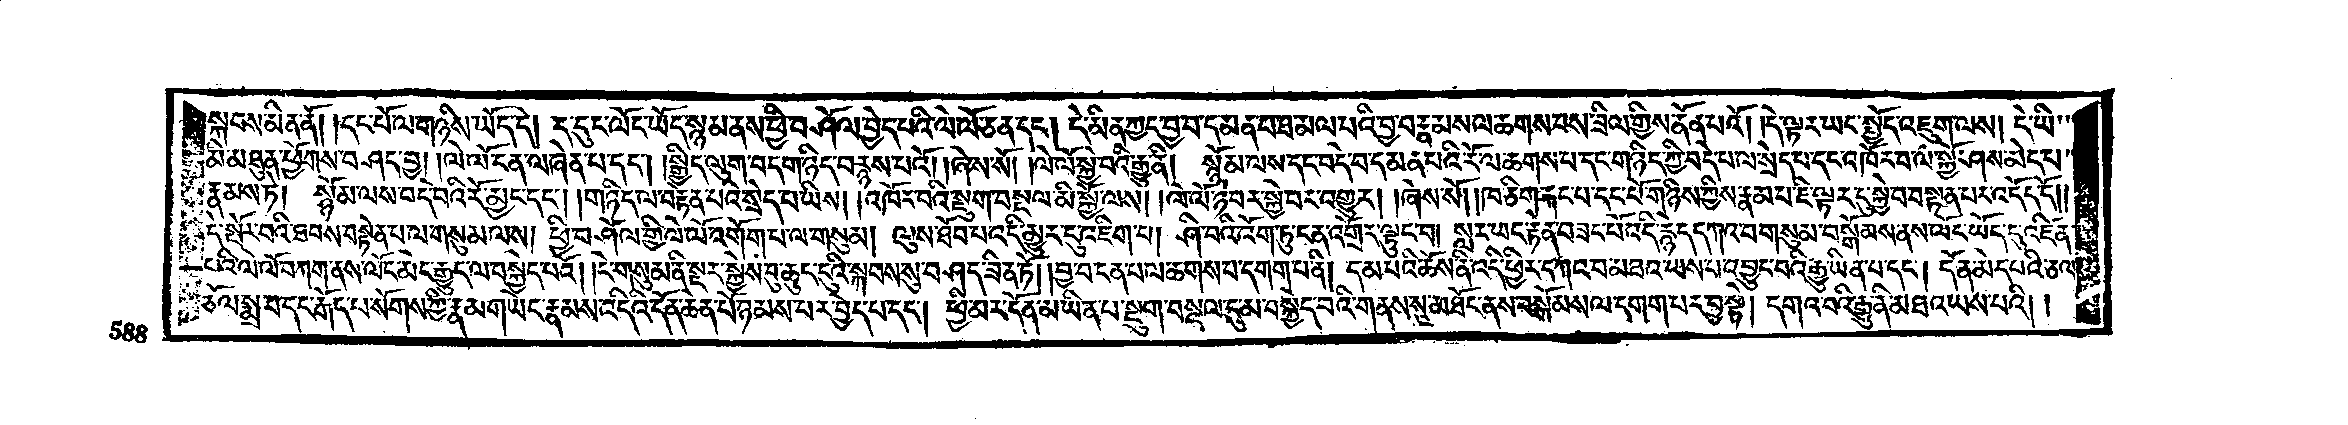སྐབས་མིན་ནོ། །དང་པོ་ལ་གཉིས་ཡོད་དེ། ད་དུང་ལོང་ཡོད་སྙམ་ནས་ཕྱི་བཤོལ་བྱེད་པའི་ལེ་ལོ་ཅན་དང་། དེ་མིན་ཀྱང་བྱ་བ་དམན་པ་ཐ་མལ་པའི་བྱ་བ་རྣམས་ལ་ཆགས་པས་ཟིལ་གྱིས་ནོན་པའོ། །དེ་ལྟར་ཡང་སྤྱོད་འཇུག་ལས། དེ་ཡི་
མི་མཐུན་ཕྱོགས་བཤད་བྱ། །ལེ་ལོ་ངན་ལ་ཞེན་པ་དང་། །སྒྱིད་ལུག་བདག་ཉིད་བརྙས་པའོ། །ཞེས་སོ། །ལེ་ལོ་སྐྱེ་བའི་རྒྱུ་ནི། སྙོམ་ལས་དང་བདེ་བ་དམན་པའི་རོ་ལ་ཆགས་པ་དང་གཉིད་ཀྱི་བདེ་བ་ལ་སྲེད་པ་དང་འཁོར་བ་ལ་སྐྱོ་ཤས་མེད་པ་
རྣམས་ཏེ། སྙོམ་ལས་བདེ་བའི་རོ་མྱང་དང་། །གཉིད་ལ་བརྟེན་པའི་སྲེད་པ་ཡིས། །འཁོར་བའི་སྡུག་བསྔལ་མི་སྐྱོ་ལས། །ལེ་ལོ་ཉེ་བར་སྐྱེ་བར་འགྱུར། །ཞེས་སོ། །ཁ་ཅིག་རྐང་པ་དང་པོ་གཉིས་ཀྱིས་རྣམ་པ་ཇི་ལྟར་དུ་སྐྱེ་བ་བསྟན་པར་འདོད་དོ། །
དེ་སྤང་བའི་ཐབས་བསྟེན་པ་ལ་གསུམ་ལས། ཕྱི་བ་ཤོལ་གྱི་ལེ་ལོ་འགོག་པ་ལ་གསུམ། ལུས་ཐོབ་པ་འདི་མྱུར་དུ་འཇིག་པ། ཤི་བའི་འོག་ཏུ་ངན་འགྲོར་ལྟུང་བ། སླར་ཡང་རྟེན་བཟང་པོ་འདི་རྙེད་དཀའ་བ་གསུམ་བསྒོམས་ནས་ལོང་ཡོད་དུ་འཛིན་
པའི་ལེ་ལོ་བཀག་ནས་ལོང་མེད་རྒྱུད་ལ་བསྐྱེད་པའོ། །དེ་གསུམ་ནི་སྔར་སྐྱེས་བུ་ཆུང་ངུའི་སྐབས་སུ་བཤད་ཟིན་ཏོ། །བྱ་བ་ངན་པ་ལ་ཆགས་པ་དགག་པ་ནི། དམ་པའི་ཆོས་ནི་འདི་ཕྱིར་དགའ་བ་མཐའ་ཡས་པ་འབྱུང་བའི་རྒྱུ་ཡིན་པ་དང་། དོན་མེད་པའི་ཅལ་
ཅོལ་སྨྲ་བ་དང་རྒོད་པ་སོགས་ཀྱི་རྣམ་གཡེང་རྣམས་འདིའི་དོན་ཆེན་པོ་ཉམས་པར་བྱེད་པ་དང་། ཕྱི་མར་དོན་མ་ཡིན་པ་སྡུག་བསྔལ་དུ་མ་བསྐྱེད་པའི་གནས་སུ་མཐོང་ནས་བསྒོམས་ལ་དགག་པར་བྱ་སྟེ། དགའ་བའི་རྒྱུ་ནི་མཐའ་ཡས་པའི། །